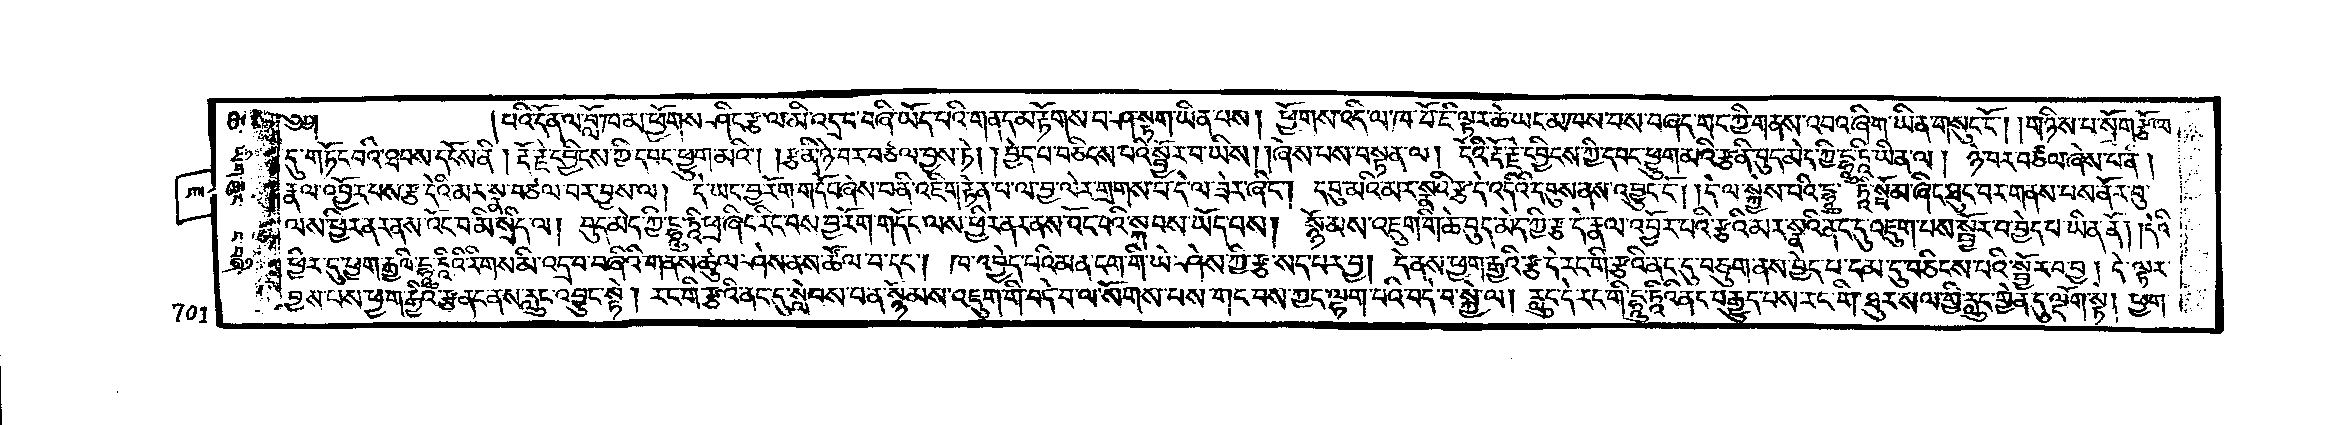༄༅། །པའི་དོན་ལ་བློ་ཁ་མ་ཕྱོགས་ཤིང་རྩ་ལ་མི་འདྲ་བ་བཞི་ཡོད་པའི་གནད་མི་རྟོགས་པ་ཤ་སྟག་ཡིན་པས། ཕྱོགས་འདི་ལ་ཁ་བོ་ཇི་ལྟར་ཆེ་ཡང་མཁས་པས་བཞད་གད་ཀྱི་གནས་འབའ་ཞིག་ཡིན་གསུང་ངོ། །གཉིས་པ་སྲོག་རྩོལ་
དུ་གཏོང་བའི་ཐབས་དངོས་ནི། རྡོ་རྗེ་དབྱིངས་ཀྱི་དབང་ཕྱུག་མའི། །རྩ་ནི་ཉེ་བར་བཙལ་བྱས་ཏེ། །བྱེད་པ་བཅིངས་པའི་སྦྱོར་བ་ཡིས། །ཞེས་པས་བསྟན་ལ། དེའི་རྡོ་རྗེ་དབྱིངས་ཀྱི་དབང་ཕྱུག་མའི་རྩ་ནི་བུད་མེད་ཀྱི་དྷཱུ་ཏཱི་ཡིན་ལ། ཉེ་བར་བཙལ་ཞེས་པ་ནི།
རྣལ་འབྱོར་པས་རྩ་དེའི་མར་སྣ་བཙལ་བར་བྱས་ལ། དེ་ཡང་བྱ་རོག་གདོང་ཞེས་པ་ནི་འཇིག་རྟེན་པ་ལ་བྱ་ལེར་གྲགས་པ་དེ་ལ་ཟེར་ཞིང་། དབུ་མའི་མར་སྣའི་རྩ་དེ་འདིའི་དབུས་ནས་འབྱུང་ངོ། །དེ་ལ་སྐྱེས་པའི་དྷཱུ་ཏཱི་སྦོམ་ཞིང་ཐུང་བར་གནས་པས་ནོར་བུ་
ལས་ཕྱིར་ནར་ནས་འོང་བ་མི་སྲིད་ལ། བུད་མེད་ཀྱི་དྷཱུ་ཏཱི་ཕྲ་ཞིང་རིང་བས་བྱ་རོག་གདོང་ལས་ཕྱིར་ནར་ནས་འོང་བའི་སྐབས་ཡོད་པས། སྙོམས་འཇུག་གི་ཆེ་བུད་མེད་ཀྱི་རྩ་དེ་རྣལ་འབྱོར་པའི་རྩའི་མར་སྣའི་ནང་དུ་འཇུག་པས་སྦྱོར་བ་བྱེད་པ་ཡིན་ནོ། །དེའི་
ཕྱིར་དུ་ཕྱག་རྒྱའི་དྷཱུ་ཏཱིའི་རིགས་མི་འདྲ་བ་བཞིའི་གནས་ཚུལ་ཤེས་ནས་ཚོལ་བ་དང་། ཁ་འབྱེད་པའི་མན་ངག་གི་ཡེ་ཤེས་ཀྱི་རྩ་སད་པར་བྱ། དེ་ནས་ཕྱག་རྒྱའི་རྩ་དེ་རང་གི་རྩའི་ནང་དུ་བཅུག་ནས་བྱེད་པ་དམ་དུ་བཅིངས་པའི་སྦྱོར་བ་བྱ། དེ་ལྟར་
བྱས་པས་ཕྱག་རྒྱའི་རྩ་ནང་ནས་རླུང་འབྱུང་སྟེ། རང་གི་རྩའི་ནང་དུ་སླེབས་པ་ན་སྙོམས་འཇུག་གི་བདེ་བ་ལ་སོགས་པས་གང་བས་ཀྱང་ལྷག་པའི་བདེ་བ་སྐྱེ་ལ། རླུང་དེ་རང་གི་དྷཱུ་ཏཱིའི་ནང་བརྒྱུད་པས་རང་གི་ཐུར་སལ་གྱི་རླུང་གྱེན་དུ་ལྡོག་སྟེ། ཕྱག་